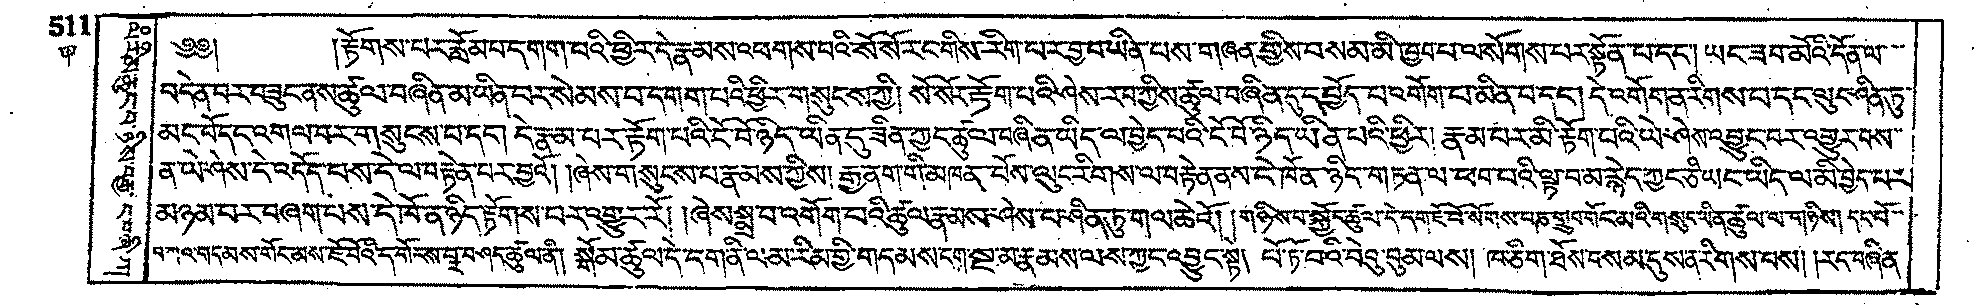༄༅། །རྟོགས་པར་རློམ་པ་དགག་པའི་ཕྱིར་དེ་རྣམས་འཕགས་པའི་སོ་སོ་རང་གིས་རིག་པར་བྱ་བ་ཡིན་པས་གཞན་གྱིས་བསམ་མི་ཁྱབ་པ་ལ་སོགས་པར་སྟོན་པ་དང་། ཡང་ཟབ་མོའི་དོན་ལ་
བདེན་པར་བཟུང་ནས་ཚུལ་བཞིན་མ་ཡིན་པར་སེམས་པ་དགག་པའི་ཕྱིར་གསུངས་ཀྱི། སོ་སོར་རྟོག་པའི་ཤེས་རབ་ཀྱིས་ཚུལ་བཞིན་དུ་དཔྱོད་པ་འགོག་པ་མིན་པ་དང་། དེ་འགོག་ན་རིགས་པ་དང་ལུང་ཤིན་ཏུ་
མང་པོ་དང་འགལ་བར་གསུངས་པ་དང་། དེ་རྣམ་པར་རྟོག་པའི་ངོ་བོ་ཉིད་ཡིན་དུ་ཟིན་ཀྱང་ཚུལ་བཞིན་ཡིད་ལ་བྱེད་པའི་ངོ་བོ་ཉིད་ཡིན་པའི་ཕྱིར། རྣམ་པར་མི་རྟོག་པའི་ཡེ་ཤེས་འབྱུང་བར་འགྱུར་བས་
ན་ཡེ་ཤེས་དེ་འདོད་པས་དེ་ལ་བརྟེན་པར་བྱའོ། །ཞེས་གསུངས་པ་རྣམས་ཀྱིས། རྒྱ་ནག་གི་མཁན་པོས་ལུང་རིགས་ལ་བརྟེན་ནས་དེ་ཁོ་ན་ཉིད་གཏན་ལ་ཕབ་པའི་ལྟ་བ་མ་རྙེད་ཀྱང་ཅི་ཡང་ཡིད་ལ་མི་བྱེད་པར་
མཉམ་པར་བཞག་པས་དེ་ཁོ་ན་ཉིད་རྟོགས་པར་འགྱུར་རོ། །ཞེས་སྨྲ་བ་འགོག་པའི་ཚུལ་རྣམས་ཤེས་པ་ཤིན་ཏུ་གལ་ཆེའོ། །གཉིས་པ་སྐྱོང་ཚུལ་དེ་དག་ཇོ་བོ་སོགས་པཎ་གྲུབ་གོང་མའི་གསུང་ཡིན་ཚུལ་ལ་གཉིས། དང་པོ་
བཀའ་གདམས་གོང་མས་ཇོ་བོའི་དགོངས་པར་བཤད་ཚུལ་ནི། སྒོམ་ཚུལ་དེ་དག་ནི་ལམ་རིམ་གྱི་གདམས་ངག་སྔ་མ་རྣམས་ལས་ཀྱང་འབྱུང་སྟེ། པོ་ཏོ་བའི་བེའུ་བུམ་ལས། ཁ་ཅིག་ཐོས་བསམ་དུས་ན་རིགས་པས། །རང་བཞིན་